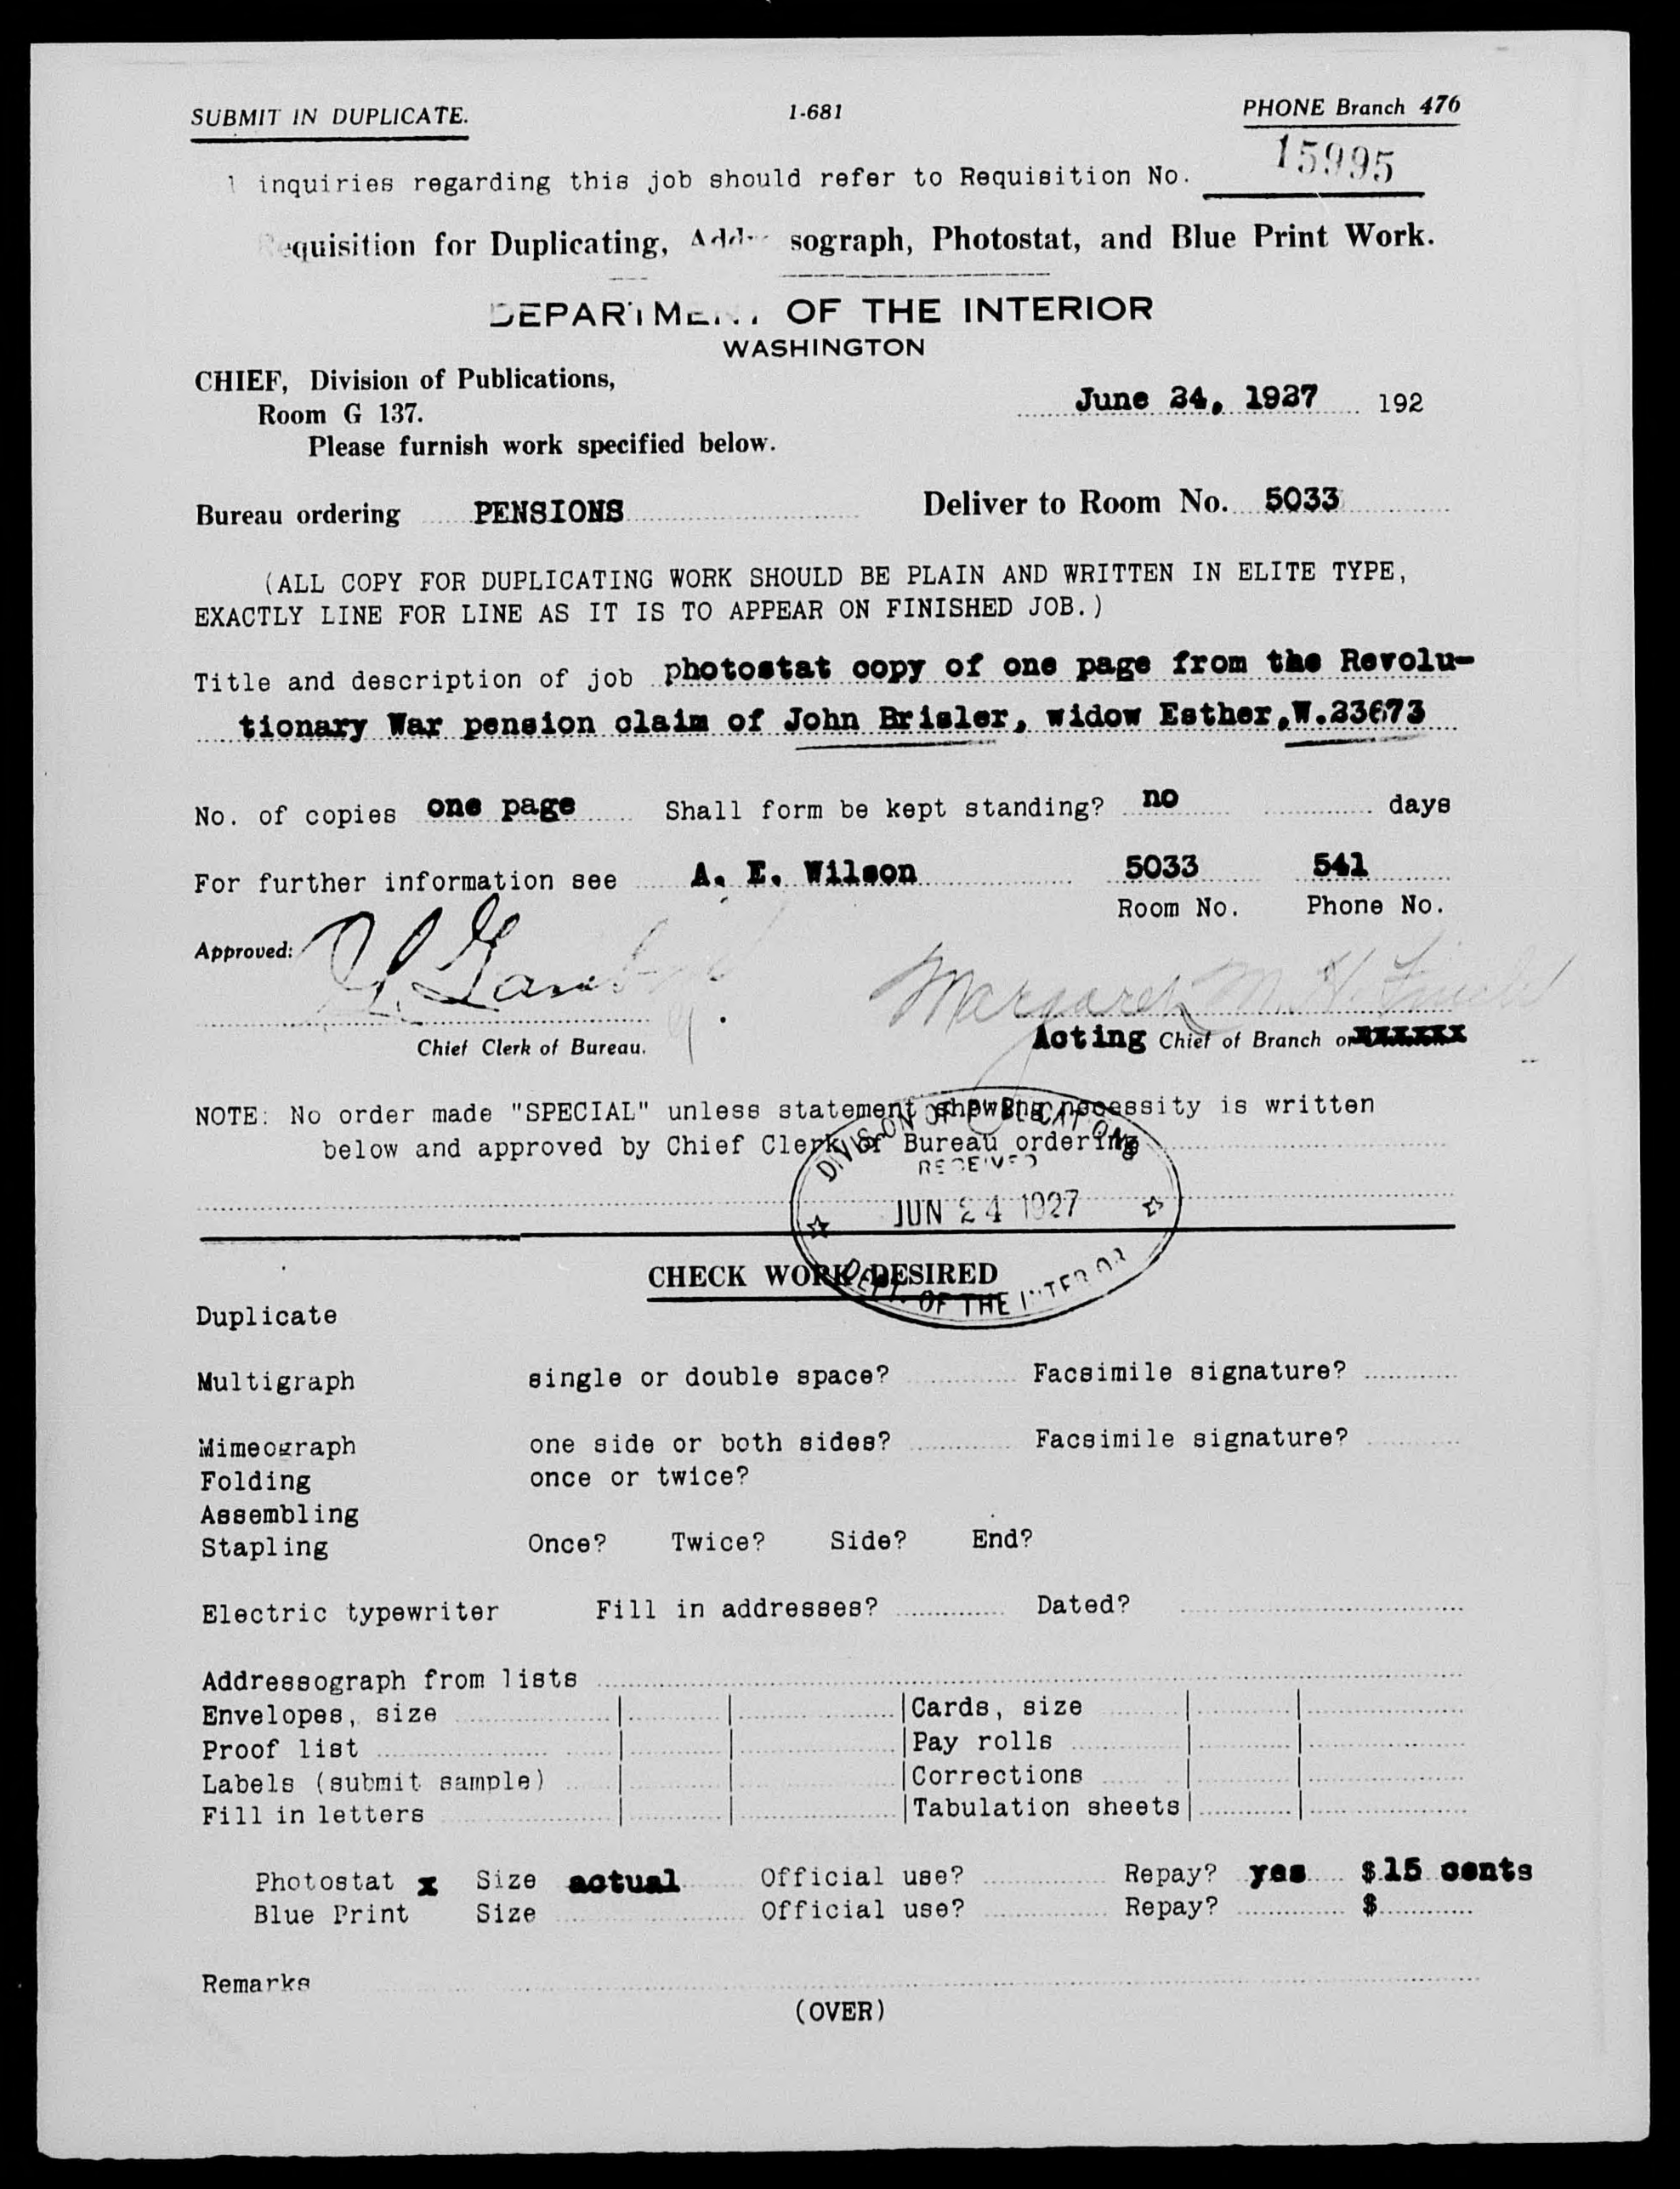1-681
PHONE Branch 476
15995
inquiries regarding this job should refer to Requisition No.
Requisition for Duplicating, Addresssograph, Photostat, and Blue Print Work.
DEPARTMENT OF THE INTERIOR
WASHINGTON
CHIEF, Division of Publications,
Room G 137.
June 24, 1927 192
Please furnish work specified below.
Bureau ordering
PENSIONS
Deliver to Room No. 5033
(ALL COPY FOR DUPLICATING WORK SHOULD BE PLAIN AND WRITTEN IN ELITE TYPE,
EXACTLY LINE FOR LINE AS IT IS TO APPEAR ON FINISHED JOB.)
Title and description of job photostat copy of one page from the Revolutionary War pension claim of John Brisler, widow Esther, W. 23673
---
No. of copies one page
Shall form be kept standing? no
days
For further information see A. E. Wilson

5033 Room No. 
541 Phone No. 
Approved  [illegible] Gan[illegible  Chief Clerk of Bureau 

Margaret M. H.. [Illegible] Acting Chief of Branch XXXXXX

NOTE: No order made ""SPECIAL"" unless statement showing necessity is written
below and approved by Chief Clerk of Bureau order

Stamp Division of Duplication Received June 24, 1927
CHECK WORKD DESIRED 
Duplicate
Multigraph single or double space? Facsimile signature?
Mimeograph
Folding
Assembling
Stapling 


one side or both sides?
once or twice?
Once?
he
7
Electric typewriter
Addressograph from lists
Envelopes, size
Proof list
Labels (submit sample)
Fill in letters
Twice? Side?
Fill in addresses?

Facsimile signature?
Photostat x
Blue Print
End?
Remarks
Size actual
Size
Dated?
┃ Cards, size
┃ Pay rolls
Corrections
Tabulation sheets
Official use?
Official use?
(OVER)
Repay? Yes. $15 cents
Repay? $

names: A E Wilson, John Brisler, Esther, J L Gaubis, Margaret M H Finch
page: 44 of 46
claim: widow's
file: W. 23,673, John Brisler, Mass.